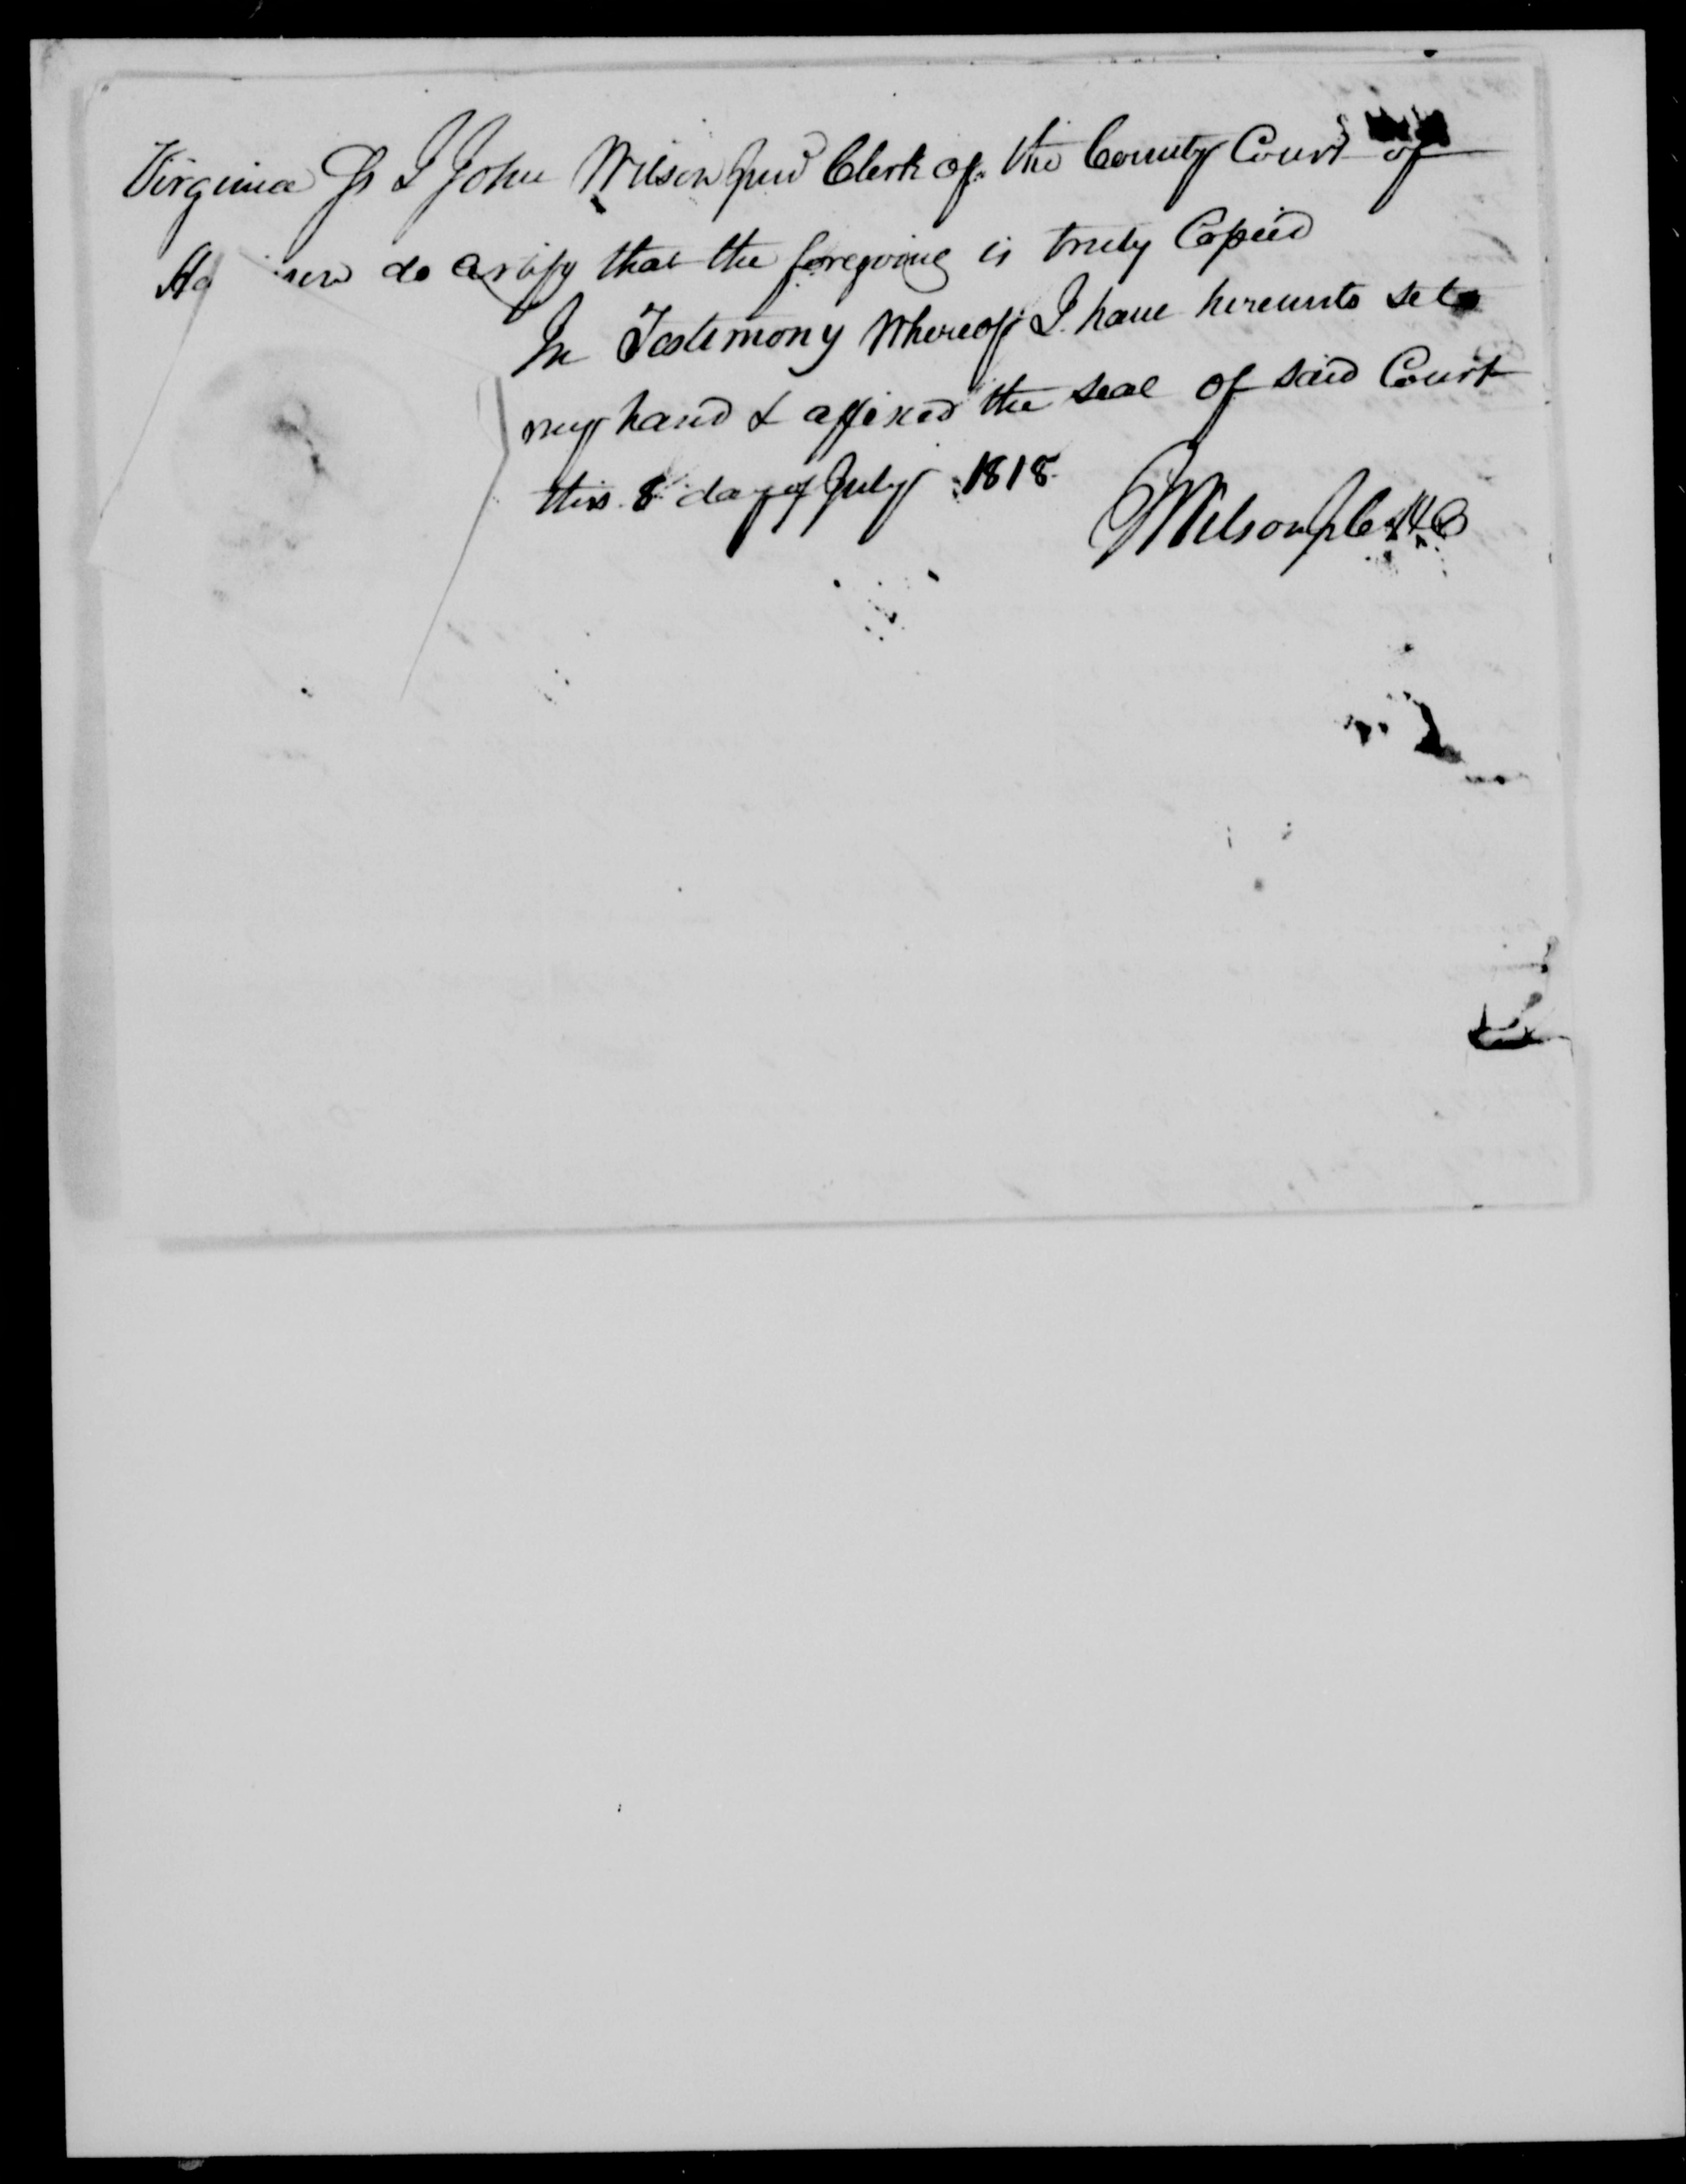Virginia SS I John Wilson Junr Clerk of the County Court of Harrison do certify that the foregoing is truly Copied
In Testimony Whereof I have hereunto set my hand & affixed the seal of said Court this 8 day of July 1818
J Wilson Jr CHC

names: J Wilson; John Wilson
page: 5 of 19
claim: survivor's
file: S. 38,409, for John Stackhouse, Virginia